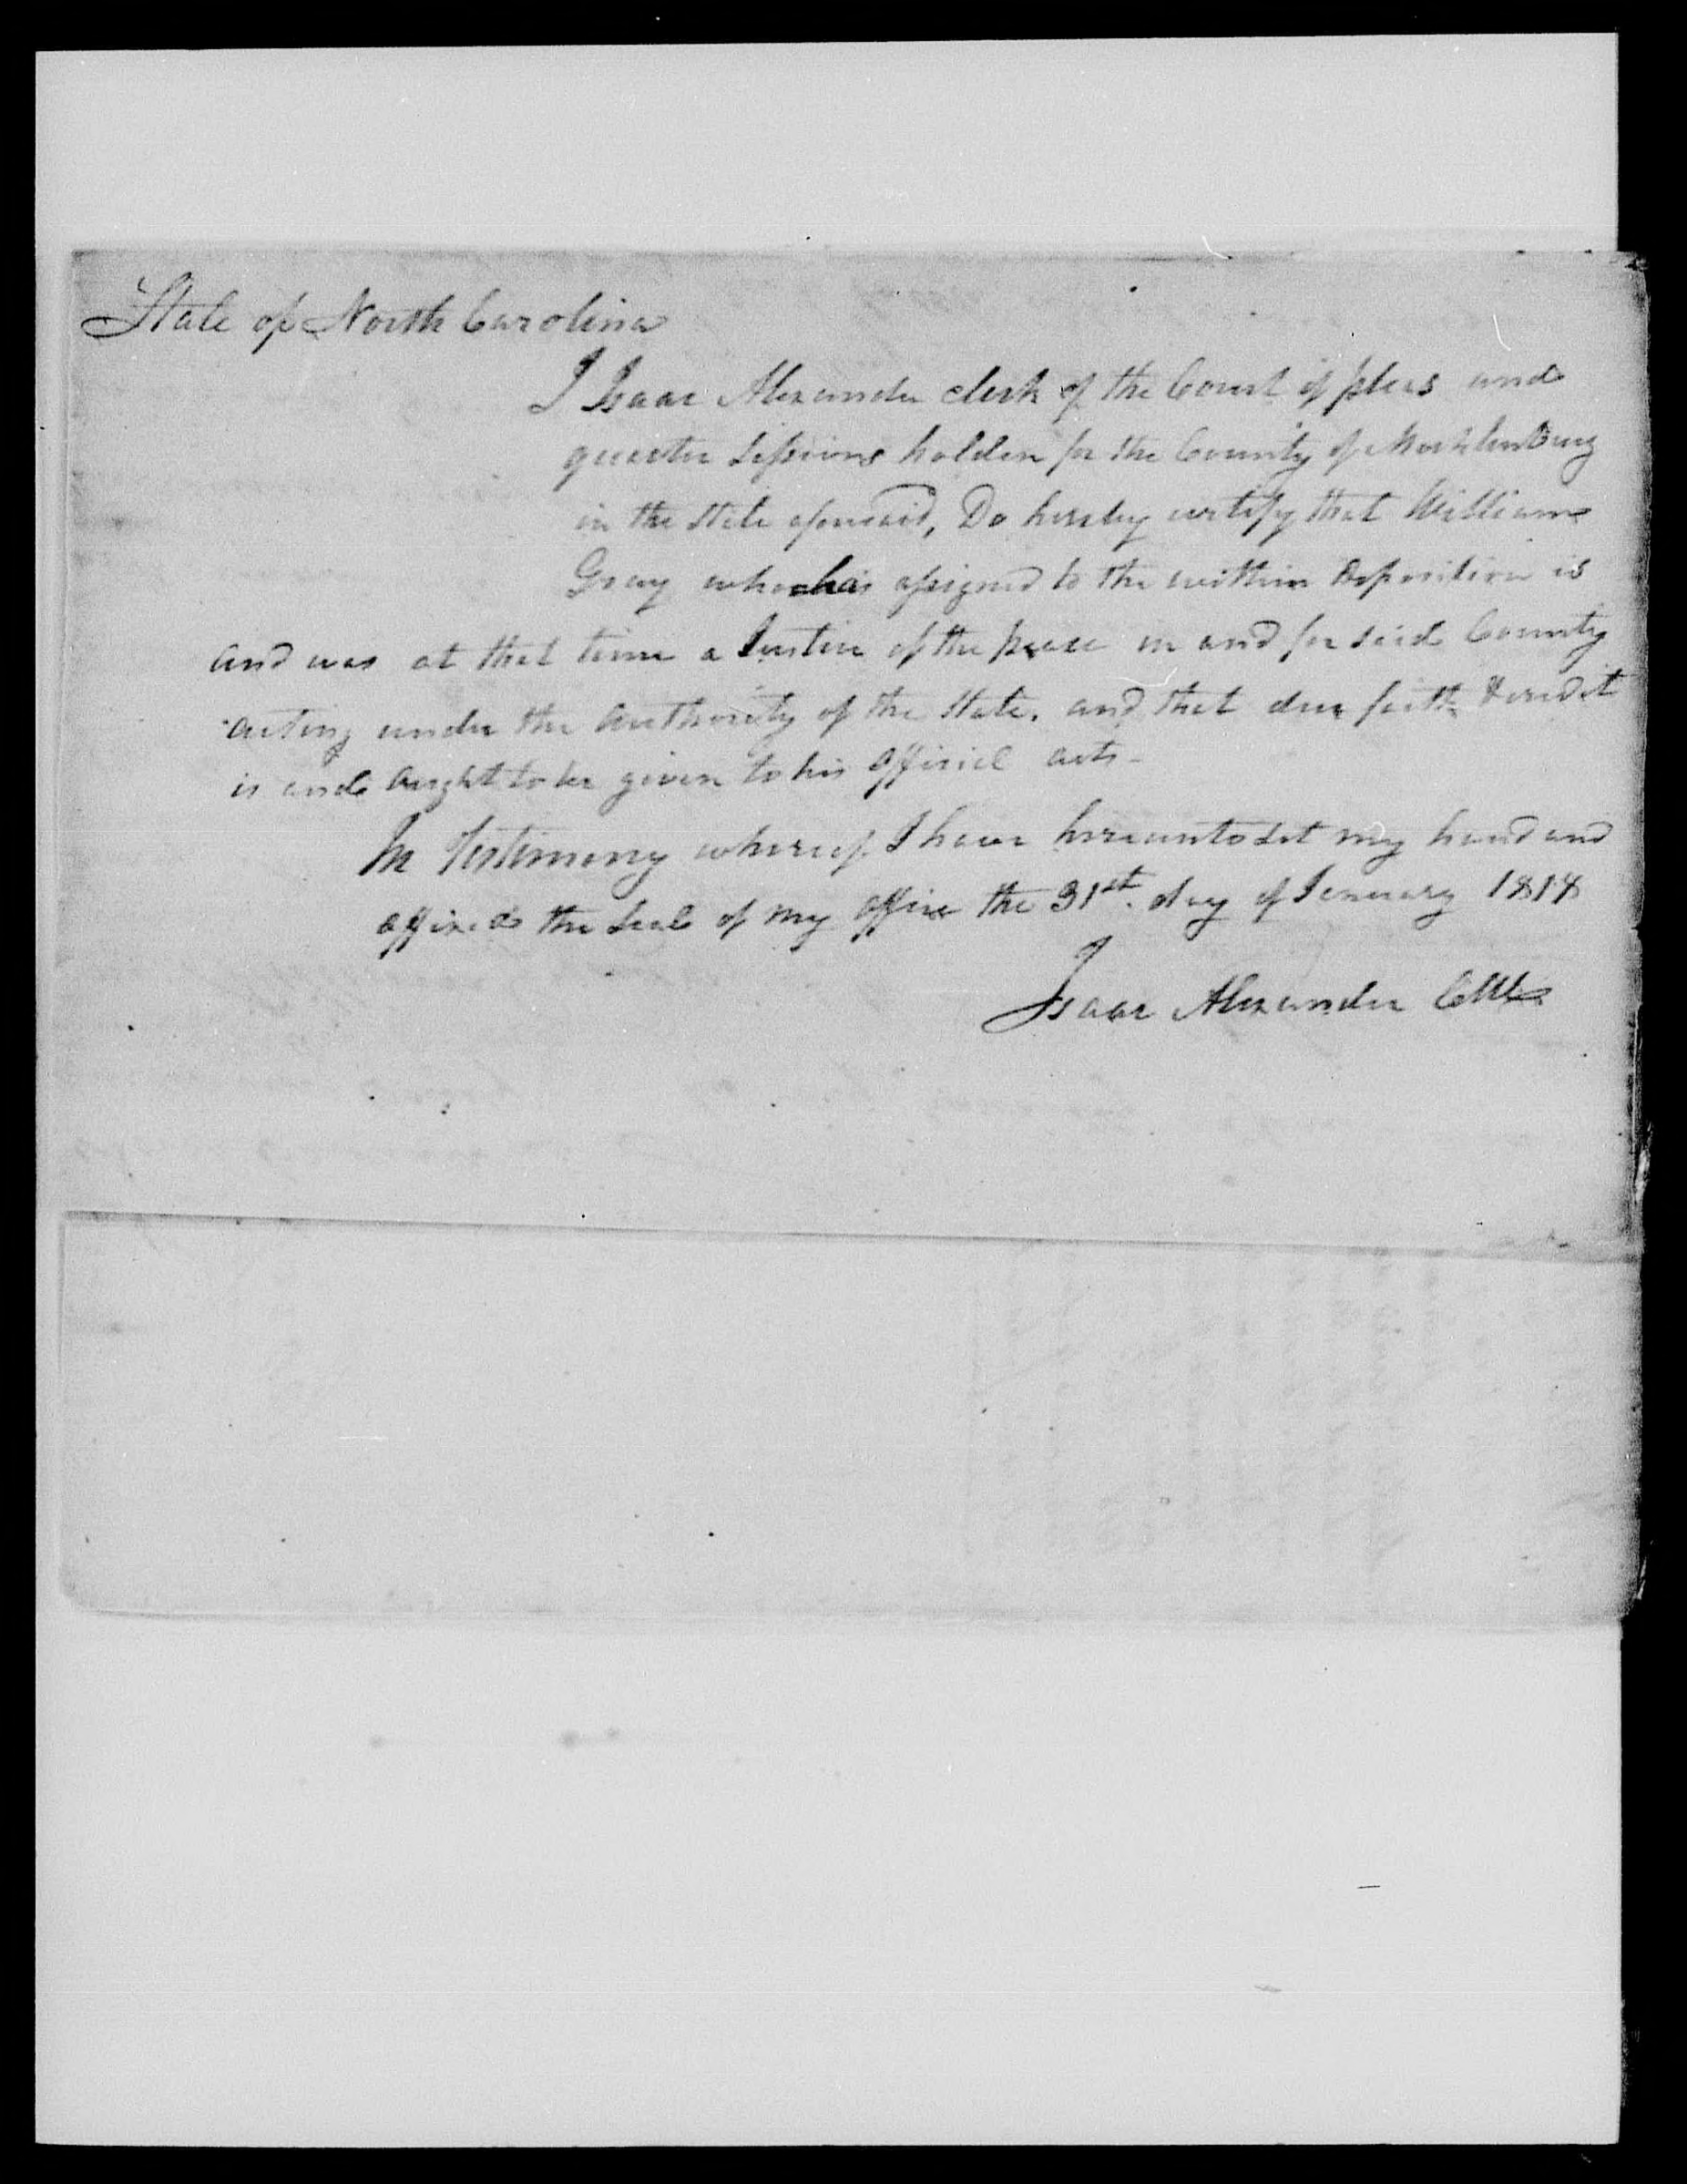Star
of North Carolina
I have Alexander Clerk of the Court of pleas and
quarter Sessions holden for the County of Mecklenburg
in the State aforesaid, do hereby certify that William
Gray who has assigned to the within deposition is
and was at that time a Justice of the peace in and for said County
acting under the authority of the State, and that due faith & credit
is and ought to be given to his official acts
In Testimony whereof I have hereunto set my hand and
affixed the seal of my office the 31st day of January 1818
Isaac Alexander Clk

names: William Gray, Isaac Alexander, Isaac Alexander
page: 4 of 26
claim: survivor's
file: S. 352, Robert Craighead, N.C.